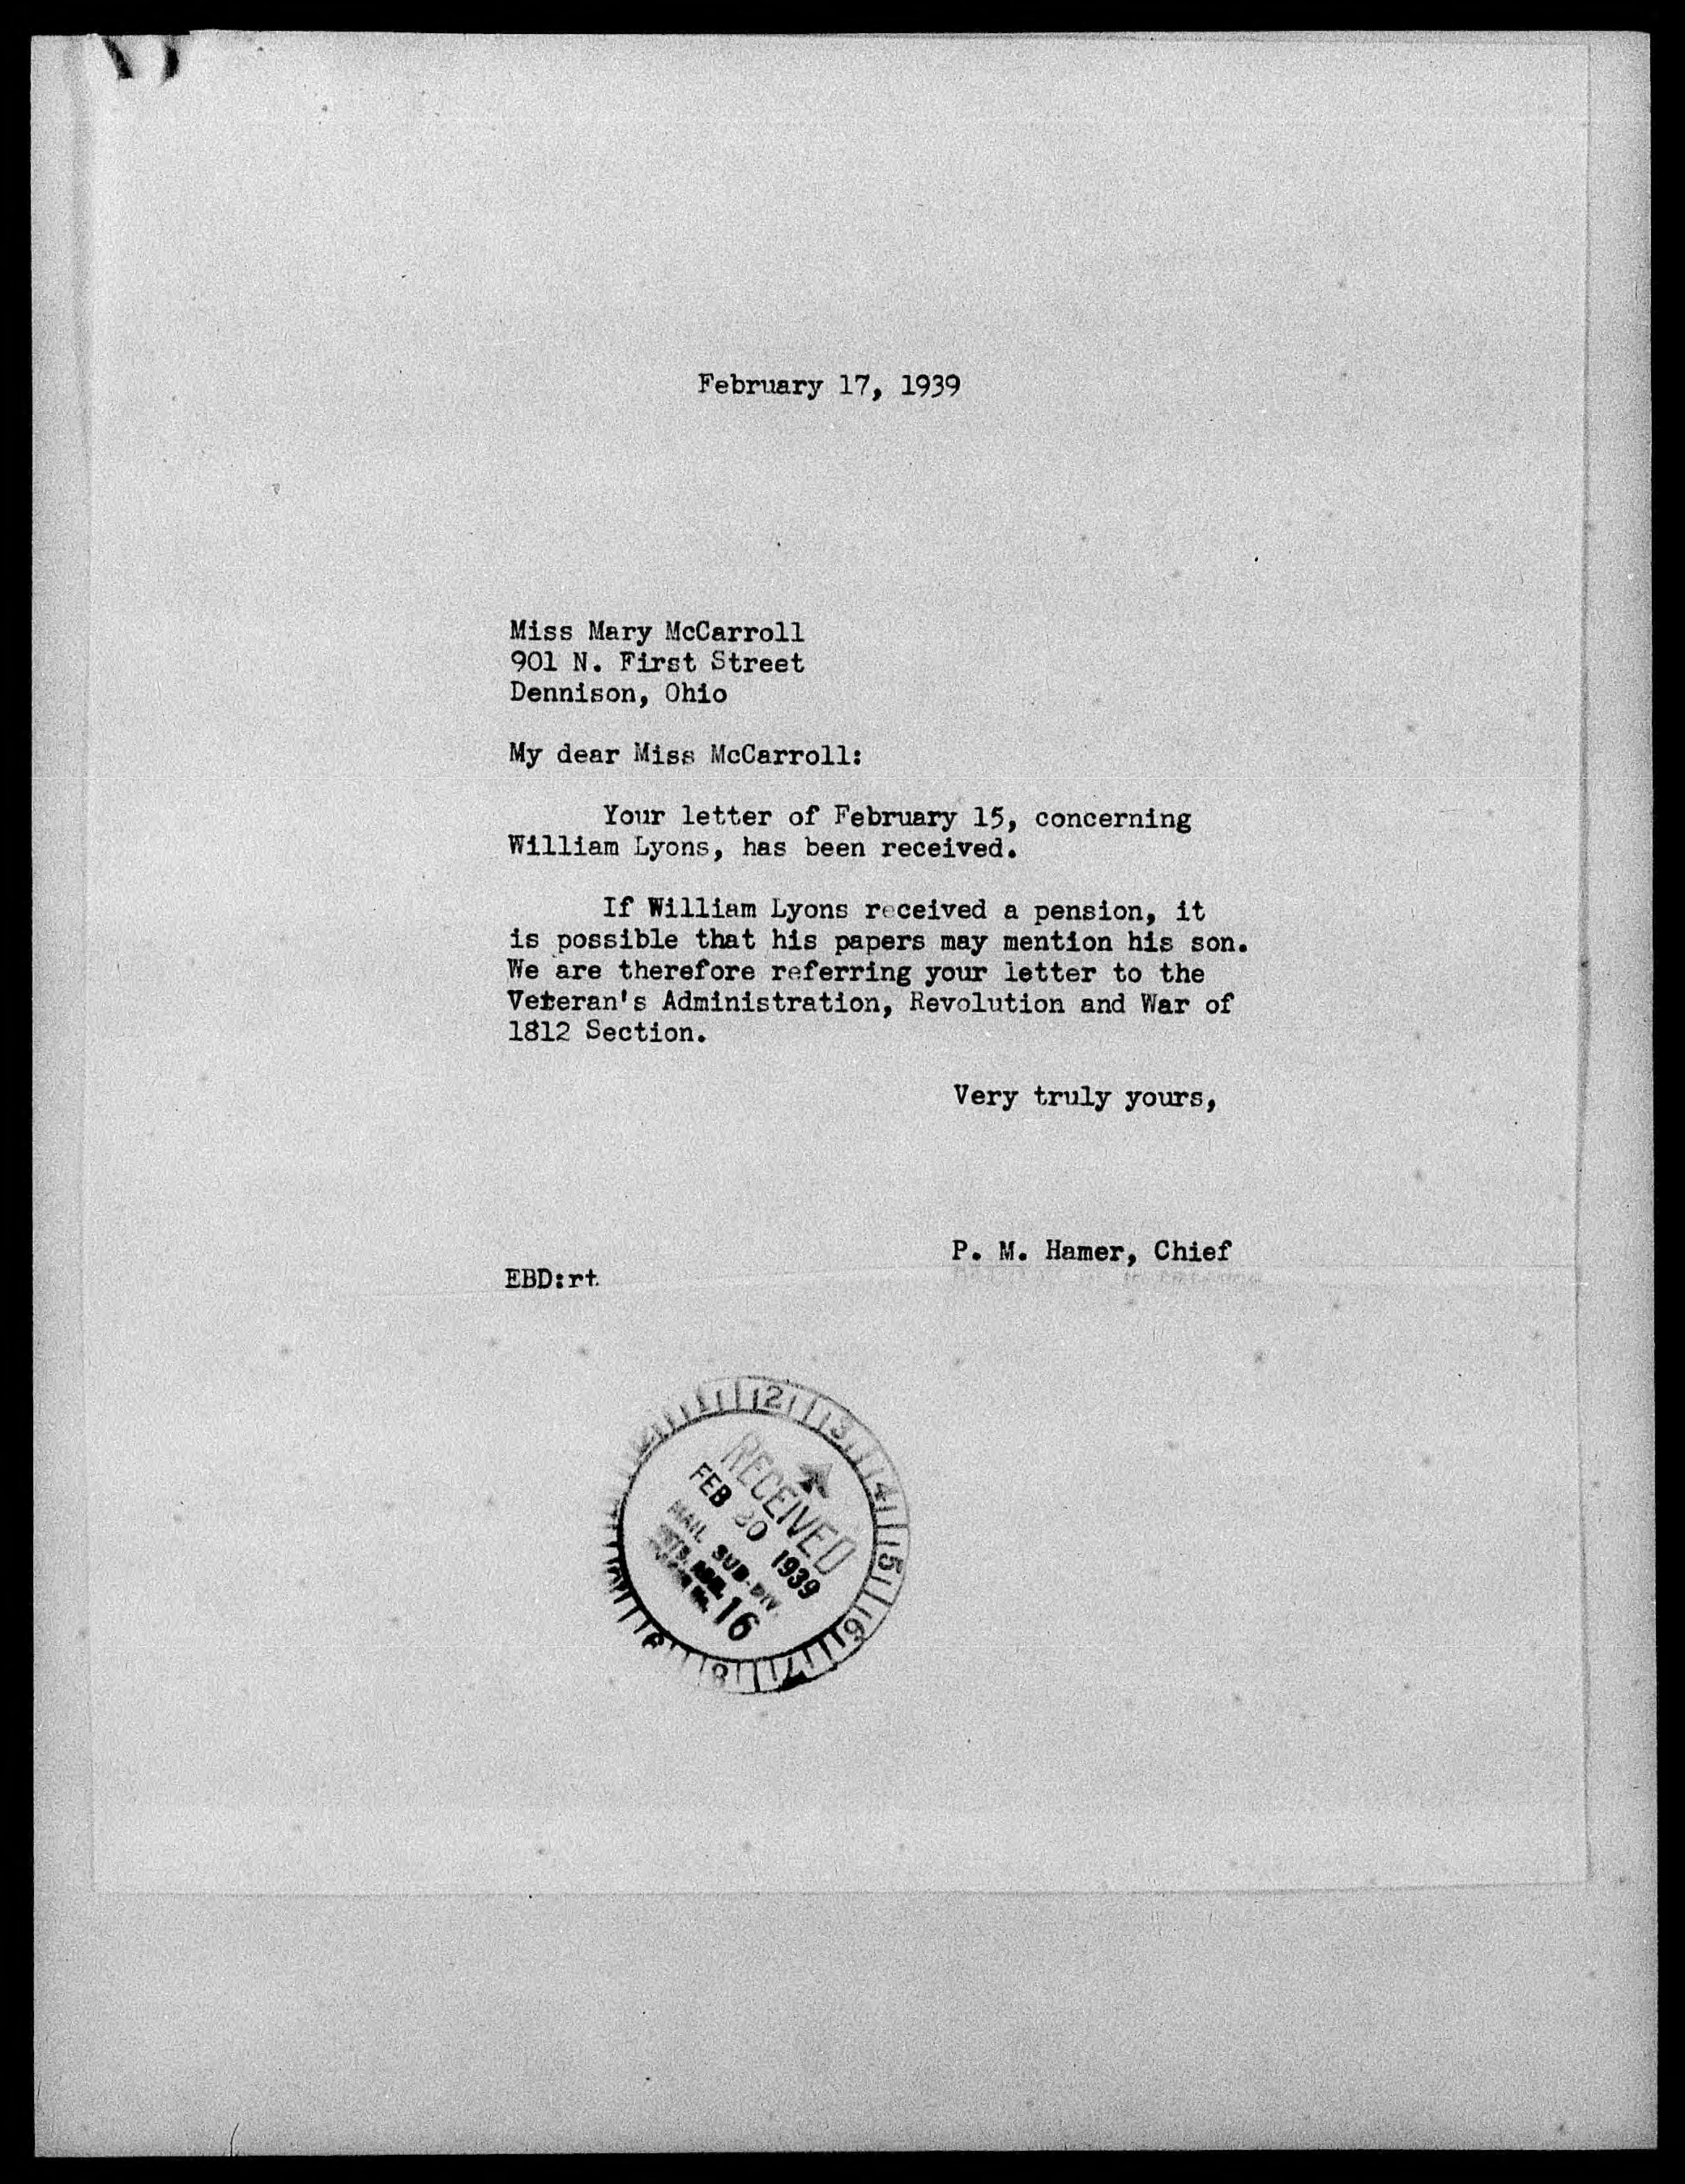February 17, 1939
Miss Mary McCarroll
901 N First Street
Dennison, Ohio

My dear Miss McCarroll:
Your letter of February 15, concerning William Lyons, has been received.
If William Lyons received a pension, it is possible that his papers may mention his son. We are therefore referring your letter to the Veteran's Administration, Revolution and War of 1812 section
Very truly yours,
P.M. Hamer, Chief
EBD:rt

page: 23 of 41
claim: survivor's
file: S. 4585, for William Lyons, Pennsylvania